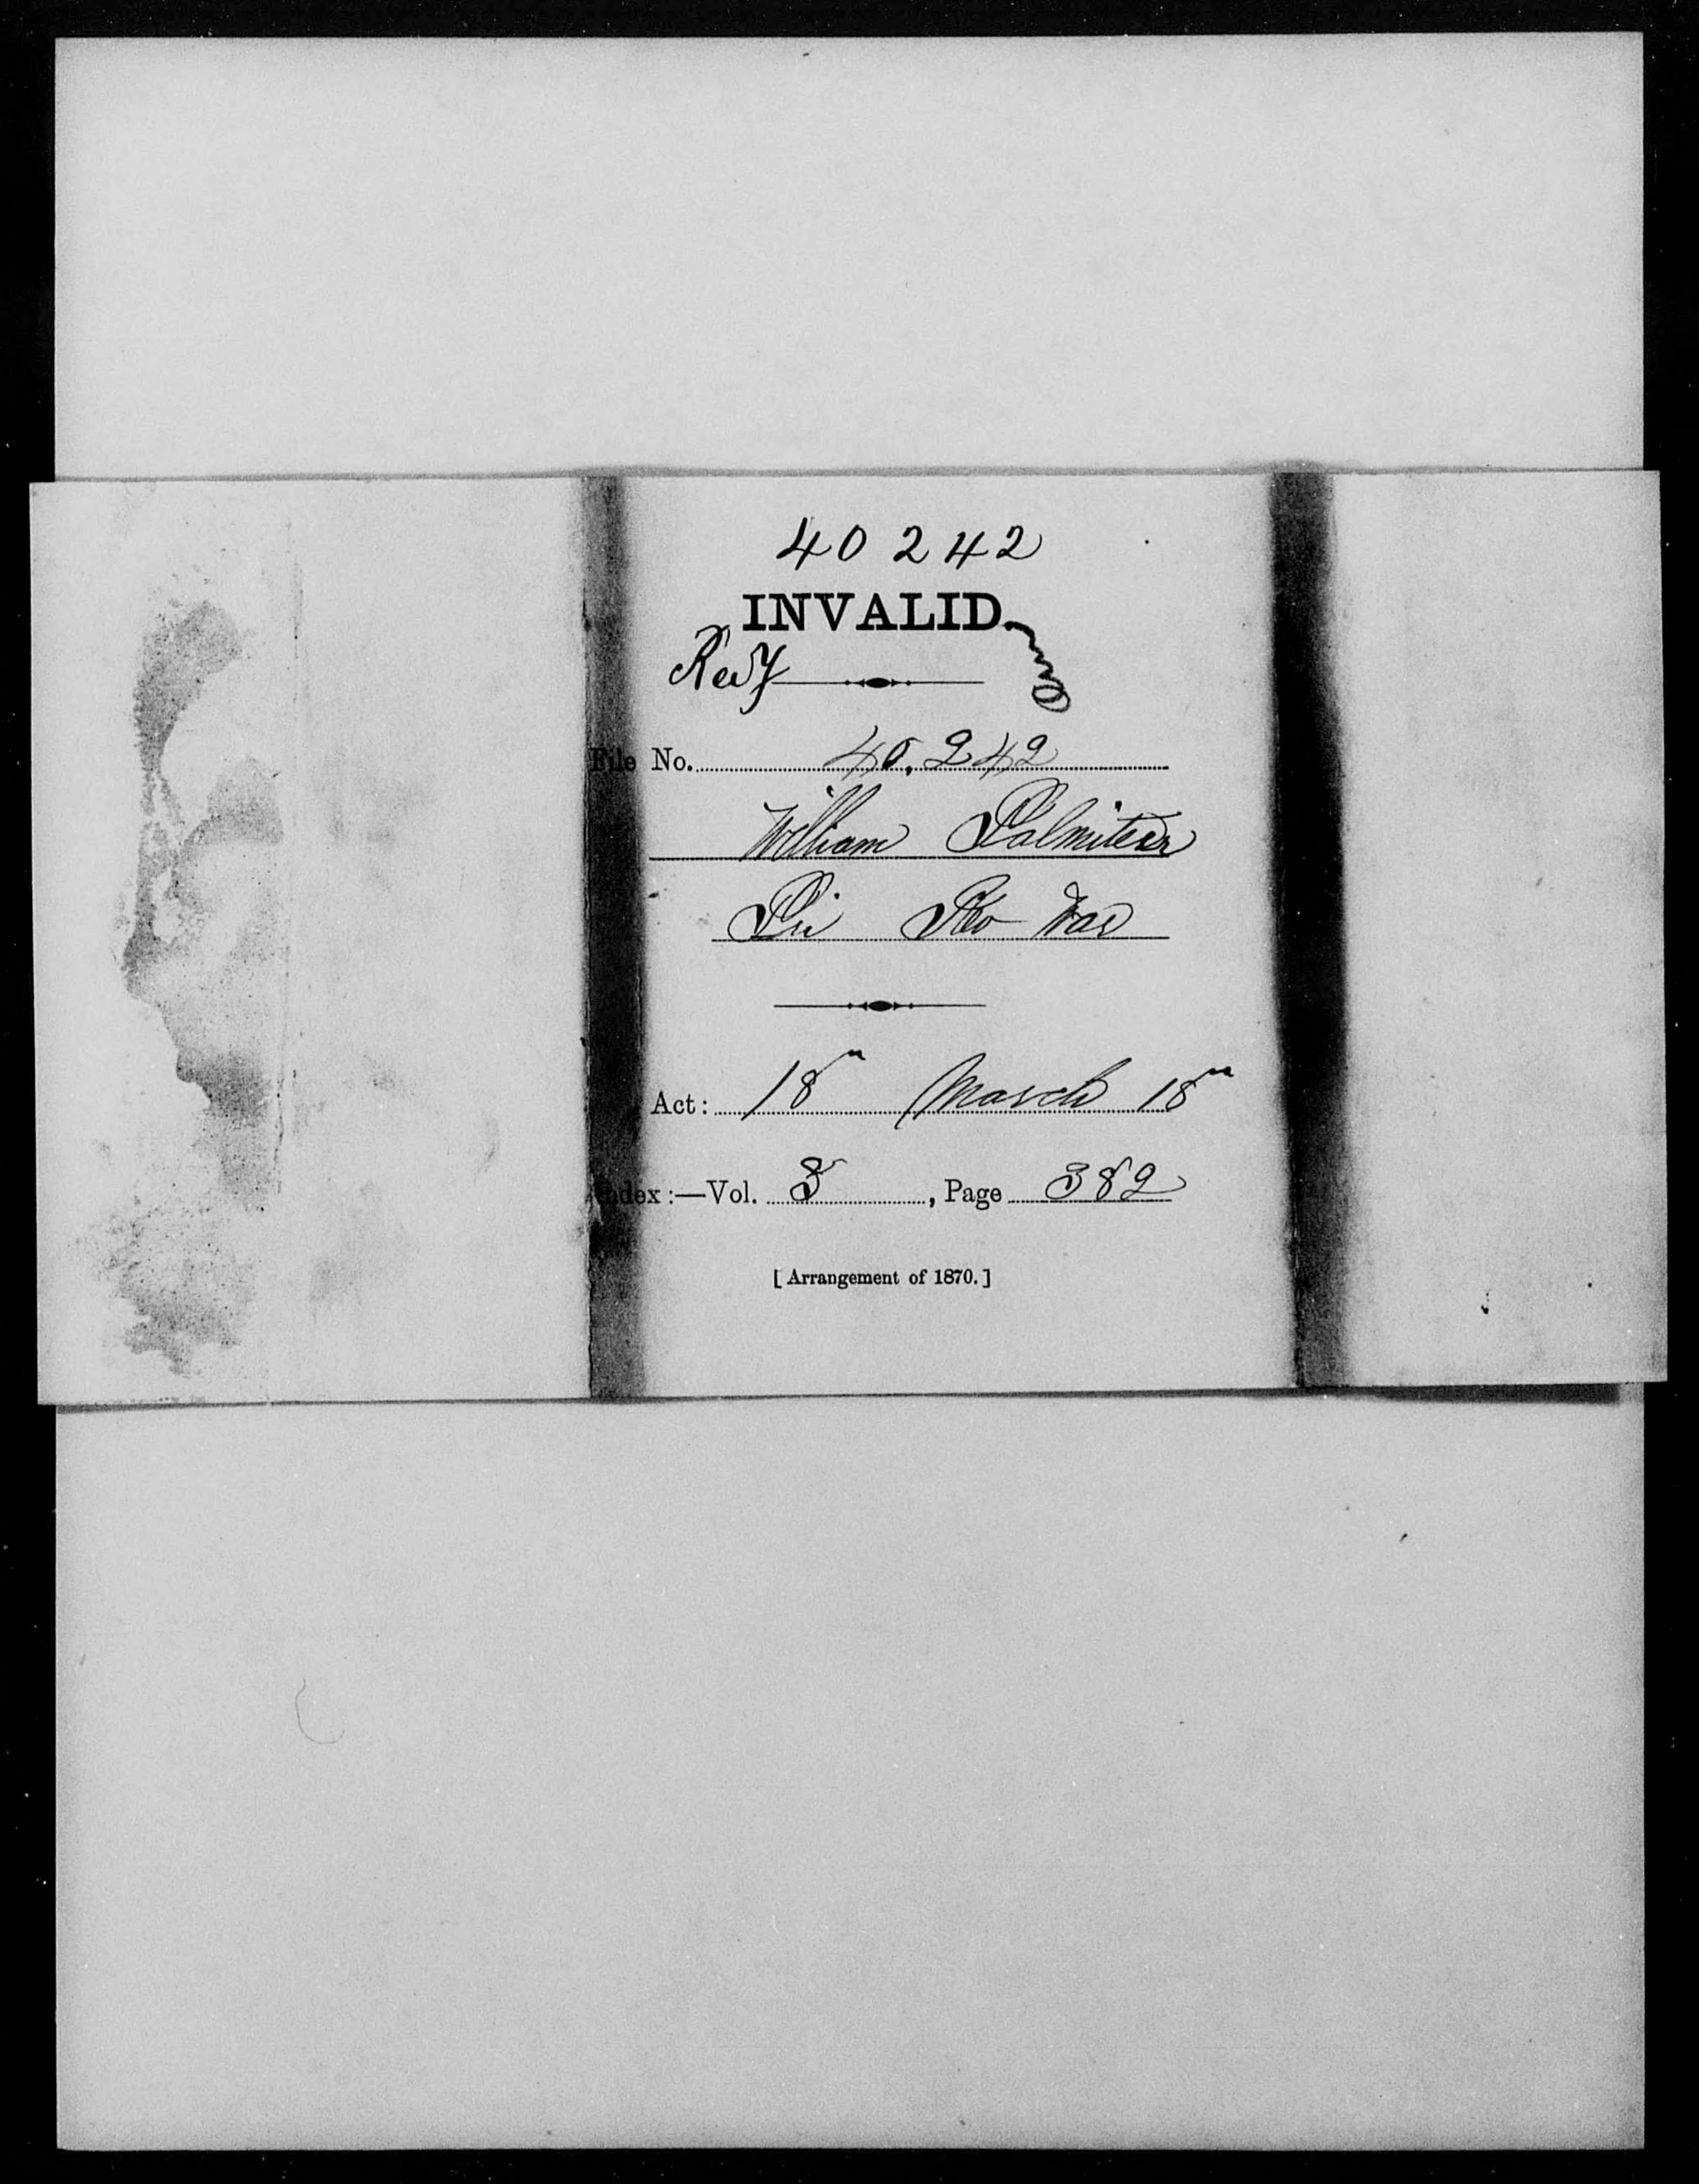40242
INVALID
Revy 
No. 40,242
William Palmiteer
Priv Rev War
Act: 18 March 1818
Index:-Vol. 3, Page 383

{Arrangement of 1870.}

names: William Palmiteer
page: 7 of 14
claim: survivor's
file: S. 40242, for William Palmiteer, Pennsylvania